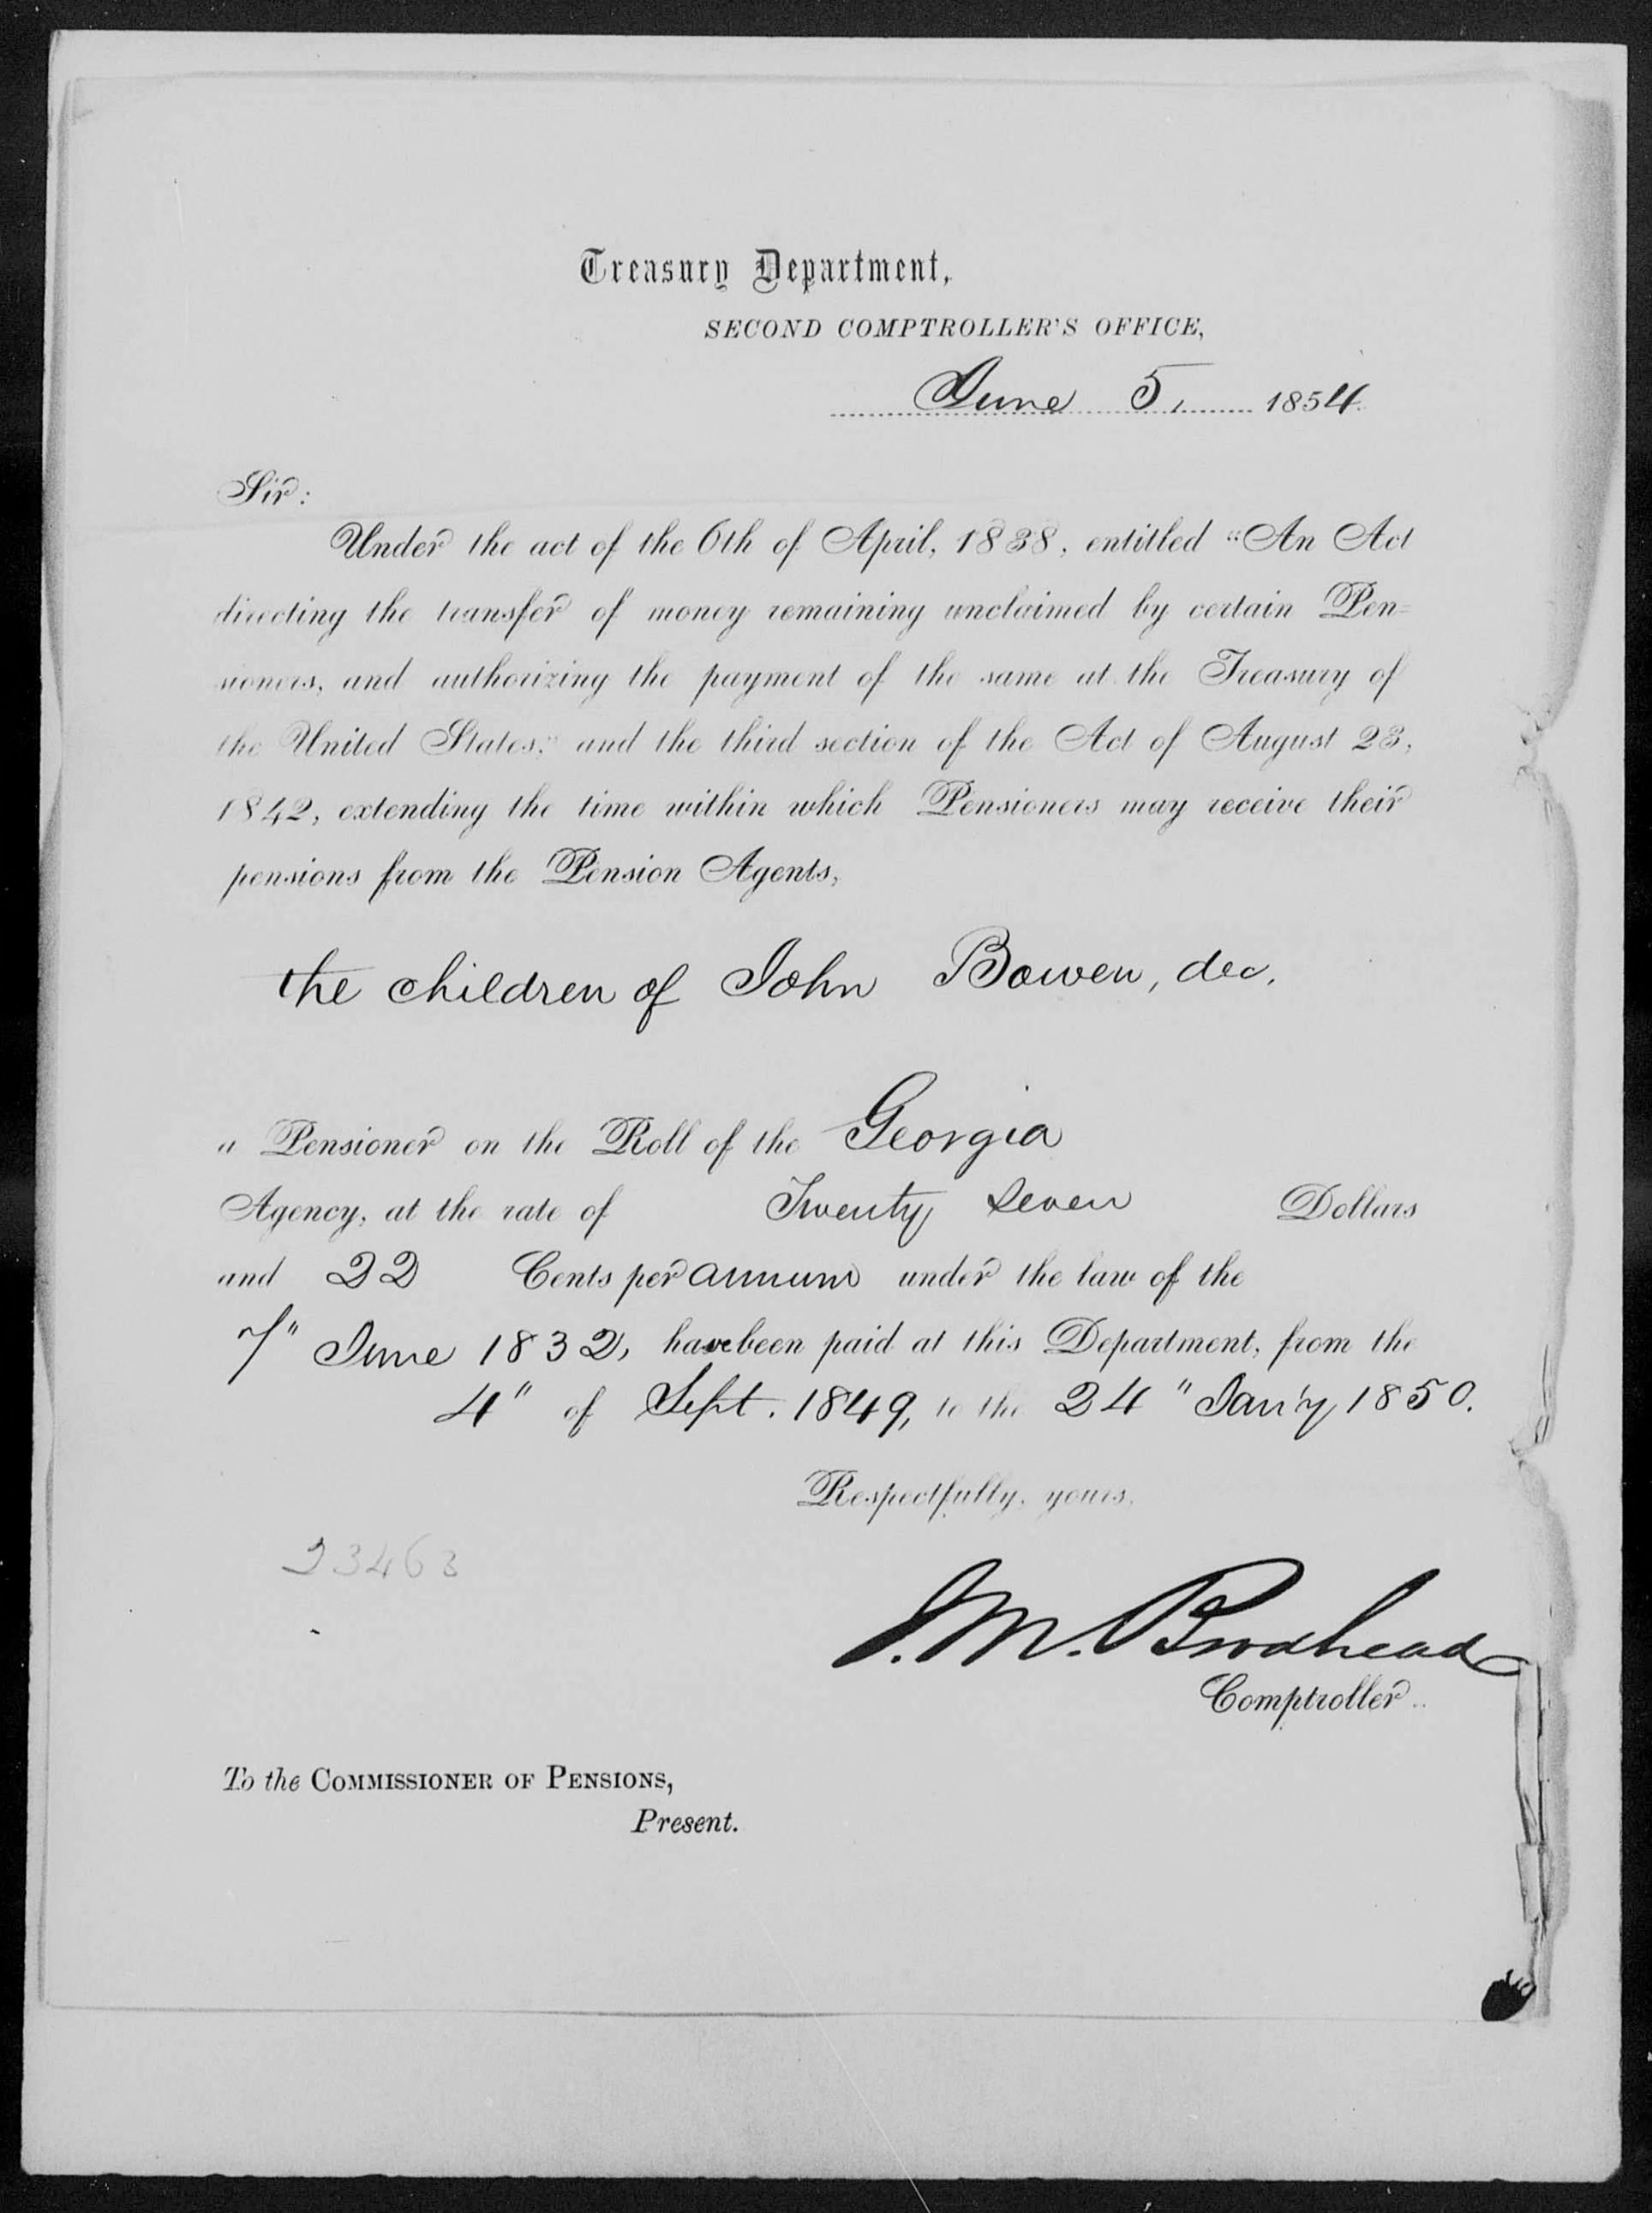Treasury Department,
Second Comptroller's Office
June 5, 1854

Sir:
Under the act of the 6th of April, 1838, entitled "An Act directing the transfer of money remaining unclaimed by certain Pensioners, and authorizing the payment of the same at the Treasury of the United States, and the third section of the Act of August 23, 1842, extending the time within which Pensioners may receive their pensions from Pension Agents,

the children of John Bowen, dec. 

a Pensioner on the Roll of the Georgia
Agency, at the rate of Twenty Seven Dollars
and 22 Cents per annum under the law of the 
1st June 1832, have been paid at this Department,  from the 4th of Sept. 1849, to the 24th July 1850.

Respectfully yours,
23463
J. M. Broadhead
Comptroller.

To the Commissioner of Pensions,
Present.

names: John Bowen, J M Brodhead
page: 19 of 20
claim: survivor's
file: S. 32,124, John Bowen, Va.